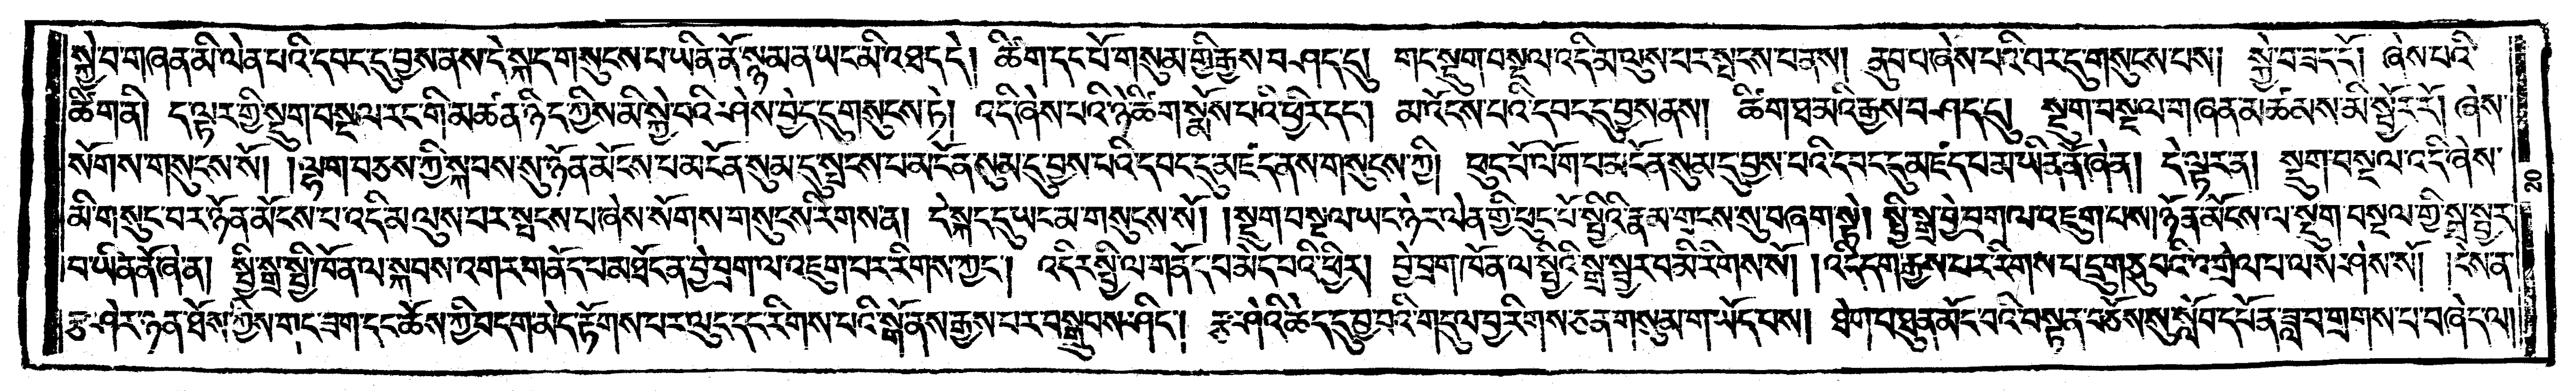སྐྱེ་བ་གཞན་མི་ལེན་པའི་དབང་དུ་བྱས་ནས་དེ་སྐད་གསུངས་པ་ཡིན་ནོ་སྙམ་ན་ཡང་མི་འཐད་དེ། ཚིག་དང་པོ་གསུམ་གྱི་རྒྱས་བཤད་དུ། གང་སྡུག་བསྔལ་འདི་མ་ལུས་པར་སྤངས་པ་ནས། ནུབ་པ་ཞེས་པའི་བར་དུ་གསུངས་པས། སྐྱེ་བ་ཟད་དོ། ཞེས་པའི་
ཚིག་ནི། ད་ལྟར་གྱི་སྡུག་བསྔལ་རང་གི་མཚན་ཉིད་ཀྱིས་མི་སྐྱེ་བའི་ཤེས་བྱེད་དུ་གསུངས་ཏེ། འདི་ཞེས་པའི་ཉེ་ཚིག་སྨོས་པའི་ཕྱིར་དང་། མ་འོངས་པའི་དབང་དུ་བྱས་ནས། ཚིག་ཐ་མའི་རྒྱས་བཤད་དུ། སྡུག་བསྔལ་གཞན་མཚམས་མི་སྦྱོར་རོ། ཞེས་
སོགས་གསུངས་སོ། །ལྷག་བཅས་ཀྱི་སྐབས་སུ་ཉོན་མོངས་པ་མངོན་སུམ་དུ་སྤངས་པ་མངོན་སུམ་དུ་བྱས་པའི་དབང་དུ་མཛད་ནས་གསུངས་ཀྱི། ཕུང་པོ་ལོག་པ་མངོན་སུམ་དུ་བྱས་པའི་དབང་དུ་མཛད་པ་མ་ཡིན་ནོ་ཞེ་ན། དེ་ལྟར་ན། སྡུག་བསྔལ་འདི་ཞེས་
མི་གསུང་བར་ཉོན་མོངས་པ་འདི་མ་ལུས་པར་སྤངས་པ་ཞེས་སོགས་གསུངས་རིགས་ན། དེ་སྐད་དུ་ཡང་མ་གསུངས་སོ། །སྡུག་བསྔལ་ཡང་ཉེར་ལེན་གྱི་ཕུང་པོ་སྤྱིའི་རྣམ་གྲངས་སུ་བཞག་སྟེ། སྤྱི་སྒྲ་བྱེ་བྲག་ལ་འཇུག་པས། ཉོན་མོངས་ལ་སྡུག་བསྔལ་གྱི་སྒྲ་སྦྱར་
བ་ཡིན་ནོ་ཞེ་ན། སྤྱི་སྒྲ་སྤྱི་ཁོ་ན་ལ་སྐབས་འགར་གནོད་པ་མཐོང་ན་བྱེ་བྲག་ལ་འཇུག་པར་རིགས་ཀྱང་། འདིར་སྤྱི་ལ་གནོད་པ་མེད་པའི་ཕྱིར། བྱེ་བྲག་ཁོ་ན་ལ་སྤྱིའི་སྒྲ་སྦྱར་བ་མི་རིགས་སོ། །འདི་དག་རྒྱས་པར་རིགས་པ་དྲུག་ཅུ་པའི་འགྲེལ་པ་ལས་ཤེས་སོ། །ངེས་ན་
རྩ་ཤེར་ཉན་ཐོས་ཀྱིས་གང་ཟག་དང་ཆོས་ཀྱི་བདག་མེད་རྟོགས་པར་ལུང་དང་རིགས་པའི་སྒོ་ནས་རྒྱས་པར་བསྒྲུབས་ཤིང་། རྩ་ཤེའི་ཆེད་དུ་བྱ་བའི་གདུལ་བྱ་རིགས་ཅན་གསུམ་ག་ཡོད་པས། ཐེག་པ་ཐུན་མོང་བའི་བསྟན་བཅོས་སུ་སློབ་དཔོན་ཟླ་བ་གྲགས་པ་བཞེད་ལ།